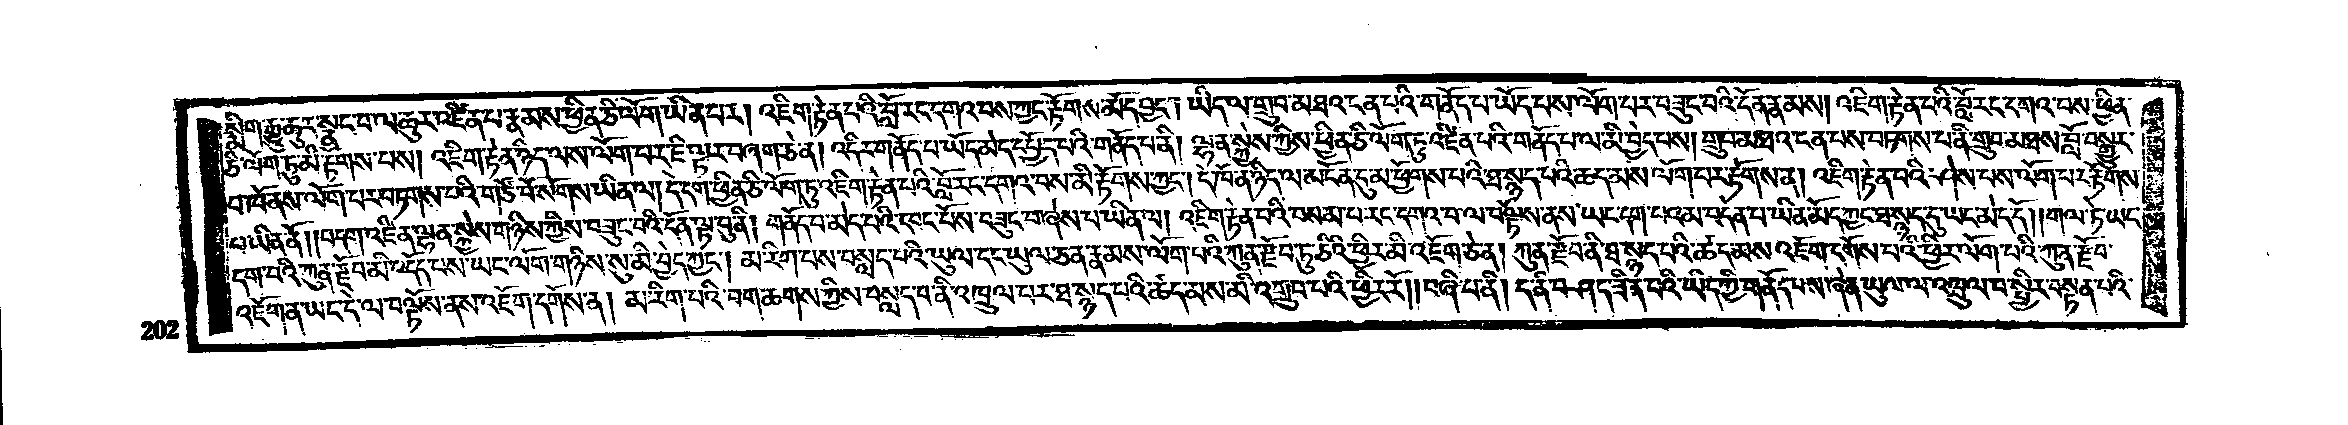སྨིག་རྒྱུ་ཆུར་སྣང་བ་ལ་ཆུར་འཛིན་པ་རྣམས་ཕྱིན་ཅི་ལོག་ཡིན་པར། འཇིག་རྟེན་པའི་བློ་རང་དགའ་བས་ཀྱང་རྟོགས་མོད་ཀྱང་། ཡིད་ལ་གྲུབ་མཐའ་ངན་པའི་གནོད་པ་ཡོད་པས་ལོག་པར་བཟུང་བའི་དོན་རྣམས། འཇིག་རྟེན་པའི་བློ་རང་དགའ་བས་ཕྱིན་
ཅི་ལོག་ཏུ་མི་རྟོགས་པས། འཇིག་རྟེན་ཉིད་ལས་ལོག་པར་ཇི་ལྟར་བཞག་ཅེ་ན། འདིར་གནོད་པ་ཡོད་མེད་དཔྱོད་པའི་གནོད་པ་ནི། ལྷན་སྐྱེས་ཀྱིས་ཕྱིན་ཅི་ལོག་ཏུ་འཛིན་པའི་གནོད་པ་ལ་མི་བྱེད་པས། གྲུབ་མཐའ་ངན་པས་བཏགས་པ་ནི་གྲུབ་མཐས་བློ་བསྒྱུར་
བ་ཁོ་ནས་ལོག་པར་བཏགས་པའི་གཙོ་བོ་སོགས་ཡིན་ལ། དེ་དག་ཕྱིན་ཅི་ལོག་ཏུ་འཇིག་རྟེན་པའི་བློ་རང་དགའ་བས་མི་རྟོགས་ཀྱང་། དེ་ཁོ་ན་ཉིད་ལ་མངོན་དུ་མ་ཕྱོགས་པའི་ཐ་སྙད་པའི་ཚད་མས་ལོག་པར་རྟོགས་ན། འཇིག་རྟེན་པའི་ཤེས་པས་ལོག་པར་རྟོགས་
པ་ཡིན་ནོ། །བདག་འཛིན་ལྷན་སྐྱེས་གཉིས་ཀྱིས་བཟུང་བའི་དོན་ལྟ་བུ་ནི། གནོད་པ་མེད་པའི་དབང་པོས་བཟུང་བ་ཞེས་པ་ཡིན་ལ། འཇིག་རྟེན་པའི་བསམ་པ་རང་དགའ་བ་ལ་བལྟོས་ནས་ཡང་དག་པའམ་བདེན་པ་ཡིན་མོད་ཀྱང་ཐ་སྙད་དུ་ཡང་མེད་དོ། །གལ་ཏེ་ཡང་
དག་པའི་ཀུན་རྫོབ་མི་འདོད་པས་ཡང་ལོག་གཉིས་སུ་མི་བྱེད་ཀྱང་། མ་རིག་པས་བསླད་པའི་ཡུལ་དང་ཡུལ་ཅན་རྣམས་ལོག་པའི་ཀུན་རྫོབ་ཏུ་ཅིའི་ཕྱིར་མི་འཇོག་ཅེ་ན། ཀུན་རྫོབ་ནི་ཐ་སྙད་པའི་ཚད་མས་འཇོག་དགོས་པའི་ཕྱིར་ལོག་པའི་ཀུན་རྫོབ་
འཇོག་ན་ཡང་དེ་ལ་བལྟོས་ནས་འཇོག་དགོས་ན། མ་རིག་པའི་བག་ཆགས་ཀྱིས་བསླད་པ་ནི་འཁྲུལ་པར་ཐ་སྙད་པའི་ཚད་མས་མི་འགྲུབ་པའི་ཕྱིར་རོ། །བཞི་པ་ནི། ད་ནི་བཤད་ཟིན་པའི་ཡིད་ཀྱི་གནོད་པས་ཞེན་ཡུལ་ལ་འཁྲུལ་བ་སྤྱིར་བསྟན་པའི་